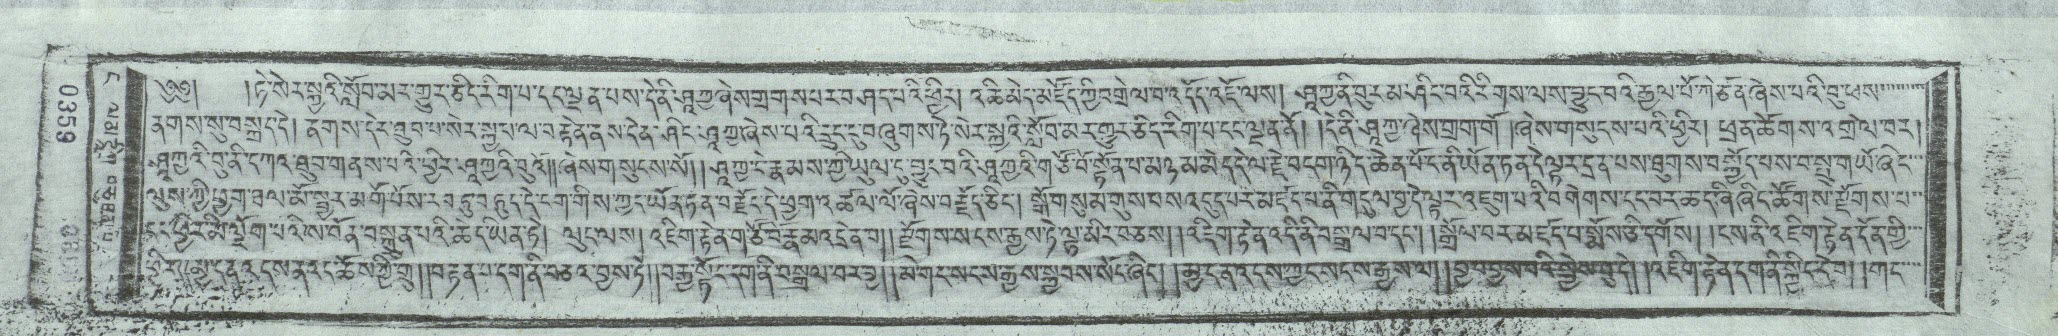༄༅། །ཏེ་སེར་སྐྱའི་སློབ་མར་གྱུར་ཅིང་རིག་པ་དང་ལྡན་པས་དེ་ནི་ཤཱཀྱ་ཞེས་གྲགས་པར་བཤད་པའི་ཕྱིར། འཆི་མེད་མཛོད་ཀྱི་འགྲེལ་བ་འདོད་འཇོ་ལས། ཤཱཀྱ་ནི་བུར་མ་ཤིང་བའི་རིགས་ལས་བྱུང་བའི་རྒྱལ་པོ་ཀེ་ཙན་ཞེས་པའི་བུ་ཕས་
ནགས་སུ་བསྐད་དེ། ནགས་དེར་ཐུབ་པ་སེར་སྐྱ་པ་ལ་བརྟེན་ནས་དེན་ཤིང་ཤཱཀྱ་ཞེས་པའི་དྲུང་དུ་བཞུགས་ཏེ་སེར་སྐྱའི་སློབ་མར་གྱུར་ཅིད་རིག་པ་དང་ལྡན་ནོ། །དེ་ནི་ཤཱཀྱ་ཞེས་གྲག་གོ །ཞེས་གསུངས་པའི་ཕྱིར། ཕྲན་ཆོགས་འགྲེལ་བར།
ཤཱཀྱའི་བུ་ནི་དཀའ་ཐུབ་གནས་པའི་ཕྱིར་ཤཱཀྱའི་བུའོ། །ཞེས་གསུངས་སོ། །ཤཱཀྱ་ངེ་རྣམས་ཀྱི་ཡུལ་དུ་བྱུང་བའི་ཤཱཀྱའི་གཙོ་བོ་སྟོན་པ་མཉམ་མེད་དེ་ལ་རྗེ་བདག་ཉིད་ཆེན་པོ་ང་ནི་ཡོན་ཏན་དེ་ལྟར་དྲན་པས་ཐུགས་བསྐྱོད་པས་བ་སྦུ་གཡོ་ཞིང་
ལུས་ཀྱི་ཕྱག་ཐལ་མོ་སྦྱར་མགོ་པོས་རབ་ཏུ་བཏུད་དེ་ངག་གིས་ཀྱང་ཡོན་ཏན་བརྗོད་དེ་ཕྱག་འཚལ་ལོ་ཞེས་བརྗོད་ཅིང་། སྒོ་གསུམ་གུས་པས་འདུད་པར་མཛད་པ་ནི་གདུལ་བྱ་དེ་ལྟར་འཇུག་པའི་བགེགས་དང་བར་ཆད་ཞི་ཞིང་ཚོགས་རྫོགས་པ་
དང་ཕྱིར་མི་ལྡོག་པའི་ས་བོན་བསྐུན་པའི་ཆེད་ཡིན་ཏེ། ལུང་ལས། འཇིག་རྟེན་གཙོ་བོ་རྣམ་འདྲེན་བ། །རྫོགས་སངས་རྒྱས་ཏེ་ལྷ་མིར་བཅས། །འཇིག་རྟེན་འདི་ནི་བསྒྲལ་བ་དང་། །སྒྲོལ་བར་མཛད་པ་སྨོས་ཅི་དགོས། །ངས་ནི་འཇིག་རྟེན་དོན་གྱི་
ཕྱིར༑ ༑མྱ་དན་འདས་ནའང་ཆོས་ཀྱི་གྲུ། །བརྟན་པ་དག་ནི་བཅའ་བྱས་ཏེ། །བརྒྱ་སྟོང་དག་ནི་བསྒྲལ་བར་བྱ། །མེ་གང་སངས་རྒྱས་སྐྱབས་སོང་ཞིང་། །མྱ་དན་འདས་ཀྱང་སངས་རྒྱས་ལ། །བྱ་བ་བྱས་བའི་སྐྱེས་བུ་དེ། །འཇིག་རྟེན་དག་ནི་སྐྱིད་དེབ། །གང་